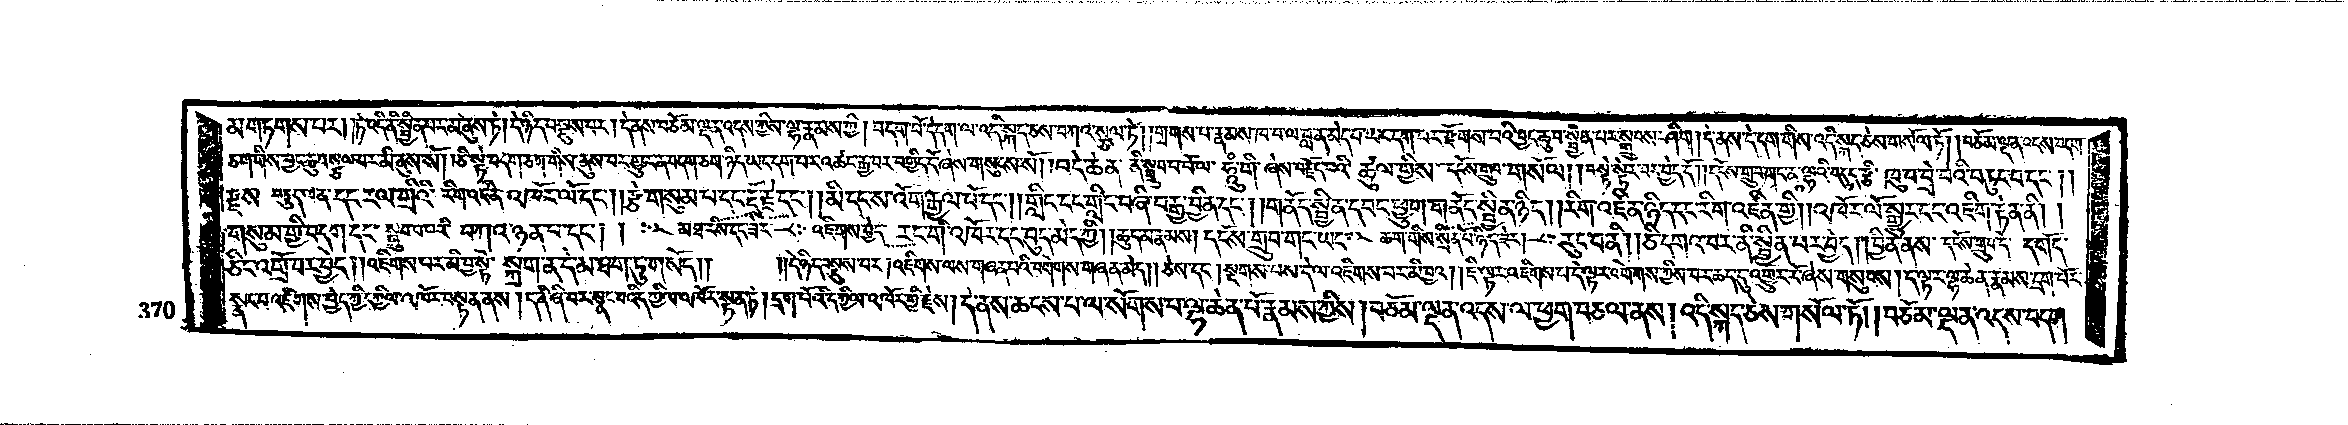མ་གཏགས་པར། །ཏེ་འདི་ནི་སྦྱིན་པར་མི་ནུས་ཏེ། དེ་ཉིད་བསྡུས་པར། དེ་ནས་བཅོམ་ལྡན་འདས་ཀྱིས་ལྷ་རྣམས་ཀྱི། བདག་པོ་དེ་དག་ལ་འདི་སྐད་ཅེས་བཀའ་སྩལ་ཏོ། །གྲགས་པ་རྣམས་ཁ་བ་ལ་བླ་ན་མེད་པ་ཡང་དག་པར་རྫོགས་པའི་བྱང་ཆུབ་སྦྱིན་པར་སྒྲུབས་ཤིག །དེ་ནས་དེ་དག་གིས་འདི་སྐད་ཅེས་གསོལ་ཏོ། །བཅོམ་ལྡན་འདས་བདག་
ཅག་གིས་བྱང་ཆུབ་སྩལ་བར་མི་ནུས་སོ། །ཅི་སྟེ་བདག་ཅག་གིས་ནུས་པར་གྱུར་ན་བདག་ཅག་ཉིད་ཡང་དག་པར་འཚང་རྒྱ་བར་བགྱིད་དོ་ཞེས་གསུངས་སོ། །བདེ་ཆེན་ནི་སྒྲུབ་པ་པོ་ལ་ཧཱུཾ་གི་ཞེས་བརྗོད་པའི་ཚུལ་གྱིས་དངོས་གྲུབ་གསོལ། །བསྟེ་སྟེར་བར་བྱེད་དོ། །དངོས་གྲུབ་གང་ན་ལྷའི་བདུད་རྩི་ཁུ་བ་བྲེ་བའི་བཏུང་བ་དང་། །
རྫས་བཅུད་ལེན་དང་རལ་གྲིའི་རིག་འཛིན་འཁོར་ལོ་དང་། །རྩེ་གསུམ་པ་དང་རྡོ་རྗེ་དང་། །མི་དང་ས་འོག་རྒྱལ་པོ་དང་། །གླིང་དང་གླིང་བཞི་བརྒྱ་བྱིན་དང་། །གནོད་སྦྱིན་དབང་ཕྱུག་གནོད་སྦྱིན་ཉིད། །རིག་འཛིན་ཉིད་དང་རིག་འཛིན་གྱི། །འཁོར་ལོ་སྒྱུར་དང་འཇིག་རྟེན་ནི། །
གསུམ་གྱི་བདག་དང་སྒྲུབ་བ་བའི་བཀའ་ཉན་པ་དང་། ། མཐོ་རིས་དང་ཟེར་འཇིགས་བྱེད་རང་གི་འཁོར་དང་བུད་མེད་ཀྱི། །ཆུད་མ་རྣམས། དངོས་གྲུབ་གང་ཡང་ཆག་གིས་སྲིན་པོ་ཉིད་ཟེར། རུང་བ་ནི། །ཅི་དགའ་བར་ནི་སྦྱིན་པར་བྱེད། །བྱིན་ནས་དངོས་གྲུབ་དེ་དགོད་
ཅིང་འགྲོ་བར་བྱེད། ། འཇིགས་པར་མི་བྱ་སྟེ་སྐྲག་ན་དེ་མ་ཐག་ཏུ་གསོད།། །།དེ་ཉིད་བསྡུས་པར། འཇིགས་ལས་གཞན་པའི་བགེགས་གཞན་མེད། །ཅེས་དང་། སྔགས་པས་དེ་ལ་འཇིགས་པར་མི་བྱའི། །ཇི་ལྟར་འཇིགས་པ་དེ་ལྟར་འགེངས་ཀྱིས་བར་ཆད་དུ་འགྱུར་རོ་ཞེས་གསུངས། དེ་ལྟར་ལྷ་ཆེན་རྣམས་དྲག་པོར་
སྣང་བ་འཇིགས་བྱེད་ཀྱི་དཀྱིལ་འཁོར་བསྟན་ནས། ད་ནི་ཞི་བར་སྣང་བའི་དཀྱིལ་འཁོར་སྟན་ཏེ། དྲག་པོའི་དཀྱིལ་འཁོར་གྱི་རྗེས། དེ་ནས་ཚངས་པ་ལ་སོགས་པ་ལྷ་ཆེན་པོ་རྣམས་ཀྱི། བཅོམ་ལྡན་འདས་ལ་ཕྱག་བཙལ་ནས། འདི་སྐད་ཅེས་གསོལ་ཏོ། །བཅོམ་ལྡན་འདས་བདག་